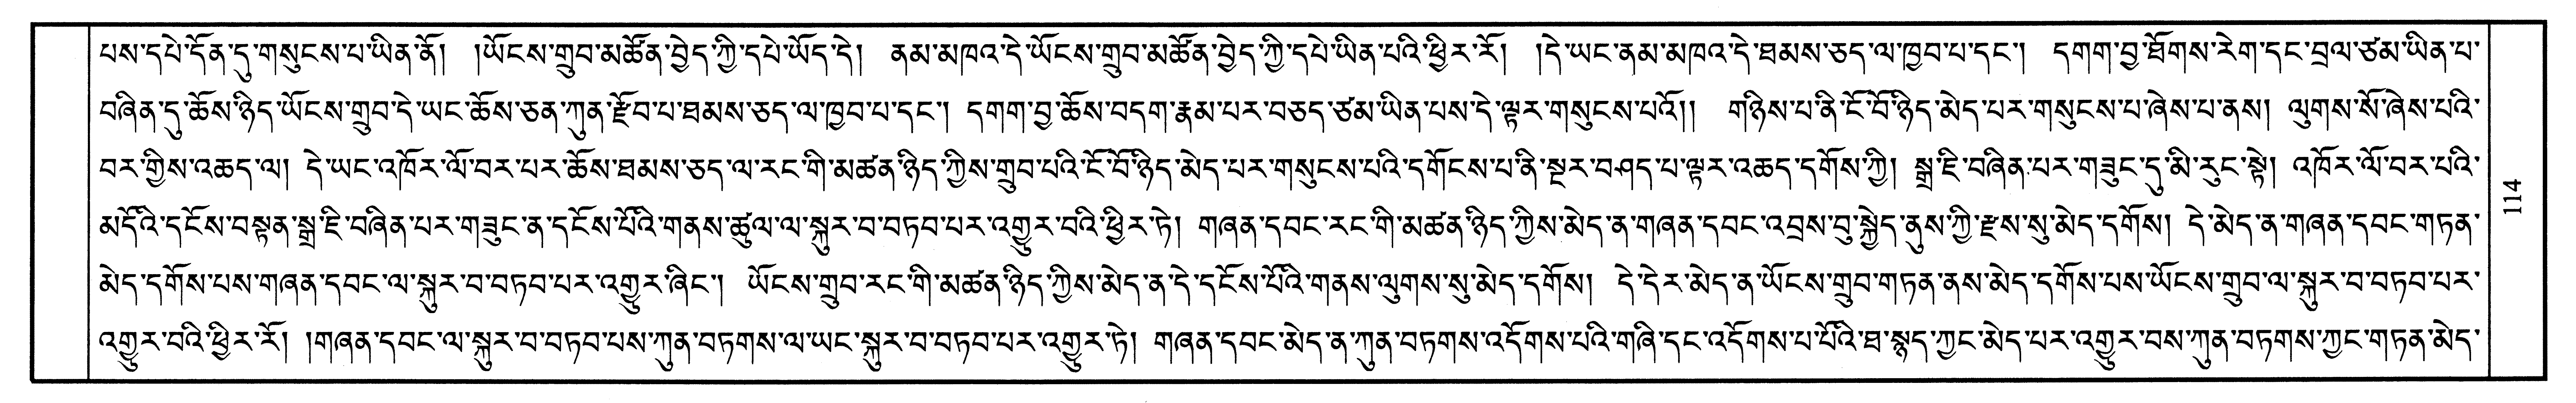པས་དཔེ་དོན་དུ་གསུངས་པ་ཡིན་ནོ། །ཡོངས་གྲུབ་མཚོན་བྱེད་ཀྱི་དཔེ་ཡོད་དེ། ནམ་མཁའ་དེ་ཡོངས་གྲུབ་མཚོན་བྱེད་ཀྱི་དཔེ་ཡིན་པའི་ཕྱིར་རོ། །དེ་ཡང་ནམ་མཁའ་དེ་ཐམས་ཅད་ལ་ཁྱབ་པ་དང་། དགག་བྱ་ཐོགས་རེག་དང་བྲལ་ཙམ་ཡིན་པ་
བཞིན་དུ་ཆོས་ཉིད་ཡོངས་གྲུབ་དེ་ཡང་ཆོས་ཅན་ཀུན་རྫོབ་པ་ཐམས་ཅད་ལ་ཁྱབ་པ་དང་། དགག་བྱ་ཆོས་བདག་རྣམ་པར་བཅད་ཙམ་ཡིན་པས་དེ་ལྟར་གསུངས་པའོ།། གཉིས་པ་ནི་ངོ་བོ་ཉིད་མེད་པར་གསུངས་པ་ཞེས་པ་ནས། ལུགས་སོ་ཞེས་པའི་
བར་གྱིས་འཆད་ལ། དེ་ཡང་འཁོར་ལོ་བར་པར་ཆོས་ཐམས་ཅད་ལ་རང་གི་མཚན་ཉིད་ཀྱིས་གྲུབ་པའི་ངོ་བོ་ཉིད་མེད་པར་གསུངས་པའི་དགོངས་པ་ནི་སྔར་བཤད་པ་ལྟར་འཆད་དགོས་ཀྱི། སྒྲ་ཇི་བཞིན་པར་གཟུང་དུ་མི་རུང་སྟེ། འཁོར་ལོ་བར་པའི་
མདོའི་དངོས་བསྟན་སྒྲ་ཇི་བཞིན་པར་གཟུང་ན་དངོས་པོའི་གནས་ཚུལ་ལ་སྐུར་བ་བཏབ་པར་འགྱུར་བའི་ཕྱིར་ཏེ། གཞན་དབང་རང་གི་མཚན་ཉིད་ཀྱིས་མེད་ན་གཞན་དབང་འབྲས་བུ་སྐྱེད་ནུས་ཀྱི་རྫས་སུ་མེད་དགོས། དེ་མེད་ན་གཞན་དབང་གཏན་
མེད་དགོས་པས་གཞན་དབང་ལ་སྐུར་བ་བཏབ་པར་འགྱུར་ཞིང་། ཡོངས་གྲུབ་རང་གི་མཚན་ཉིད་ཀྱིས་མེད་ན་དེ་དངོས་པོའི་གནས་ལུགས་སུ་མེད་དགོས། དེ་དེར་མེད་ན་ཡོངས་གྲུབ་གཏན་ནས་མེད་དགོས་པས་ཡོངས་གྲུབ་ལ་སྐུར་བ་བཏབ་པར་
འགྱུར་བའི་ཕྱིར་རོ། །གཞན་དབང་ལ་སྐུར་བ་བཏབ་པས་ཀུན་བཏགས་ལ་ཡང་སྐུར་བ་བཏབ་པར་འགྱུར་ཏེ། གཞན་དབང་མེད་ན་ཀུན་བཏགས་འདོགས་པའི་གཞི་དང་འདོགས་པ་པོའི་ཐ་སྙད་ཀྱང་མེད་པར་འགྱུར་བས་ཀུན་བཏགས་ཀྱང་གཏན་མེད་